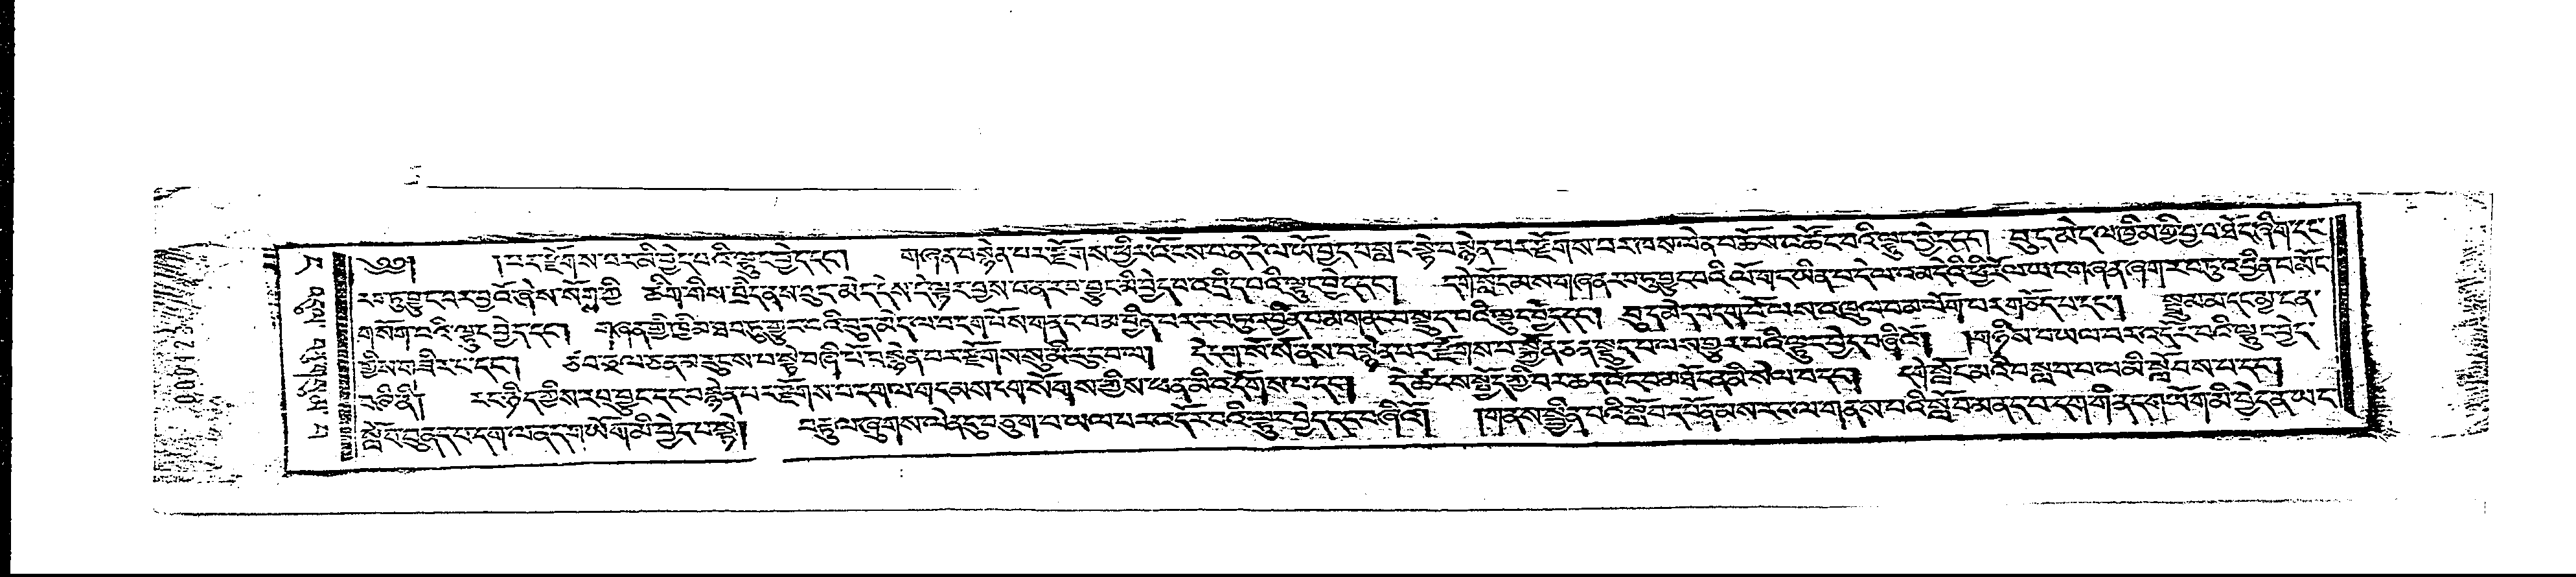༄༅། །པར་རྫོགས་པར་མི་བྱེད་པའི་ལྟུང་བྱེད་དང་། གཞན་བསྙེན་པར་རྫོགས་ཕྱིར་འོངས་པ་ན་དེ་ལ་ཡོ་བྱད་བསླང་སྟེ་བསྙེན་པར་རྫོགས་པར་ཁས་ལེན་པ་ཆོས་འཚོང་བའི་ལྟུང་བྱེད་དང་། བུད་མེད་ལ་ཁྱིམ་གྱི་བྱ་བ་ཐོང་ཞིག་དང་
རབ་ཏུ་བྱུང་བར་བྱའོ་ཞེས་སོགས་ཀྱི་ཚིག་གིས་བྲིད་ནས་བུད་མེད་དེས་དེ་ལྟར་བྱས་པ་ན་རབ་བྱུང་མི་བྱེད་པ་འབྲིད་པའི་ལྟུང་བྱེད་དང་། དགེ་སློང་མས་གཞན་རབ་ཏུ་བྱུང་བའི་ལོ་གང་ཡིན་པ་དེ་ལ་འམ་དེའི་ཕྱི་རོལ་ཡང་གཞན་ཞག་རབ་ཏུ་འབྱིན་པ་མོང་
གསོག་པའི་ལྟུང་བྱེད་དང་། གཞན་གྱི་ཁྱིམ་ཐབ་ཏུ་གྱུར་པའི་བུད་མེད་ལ་བདག་པོས་གནང་བ་མ་བྱིན་པར་རབ་ཏུ་འབྱིན་པ་མ་གནང་བསྡུད་པའི་ལྟུང་བྱེད་དང་། བུད་མེད་པ་བདག་པོ་ལས་འཁྲུལ་པ་མ་ལོག་པར་གཅོད་པ་དང་། སྤྲུམ་མ་དང་མྱ་ངན་
གྱིས་གཟིར་བ་དང་། ཙབ་ཧྲལ་ཅན་མ་རུངས་པ་སྟེ་བཞི་པོ་བསྙེན་པར་རྫོགས་སུ་མི་རུང་བ་ལ། དེ་དག་སོ་སོ་ནས་བསྙེན་པར་རྫོགས་པ་སྐྱོན་ཅན་སྡུད་པ་ལས་གྱུར་པའི་ལྟུང་བྱེད་བཞིའོ། །གཉིས་པ་ཡལ་བར་འདོར་བའི་ལྟུང་བྱེད་
བཞི་ནི། རང་ཉིད་ཀྱིས་རབ་བྱུང་དང་བསྙེན་པར་རྫོགས་པ་དག་ལ་གདམས་ངག་སོགས་ཀྱིས་ཕན་མི་འདོགས་པ་དང་། དེ་ཚངས་སྤྱོད་ཀྱི་བར་ཆད་འོང་བ་མཐོང་ན་མི་སེལ་བ་དང་། དགེ་སློང་མའི་བསླབ་པ་ལ་མི་སློབས་པ་དང་།
སློབ་བུ་ནད་པ་དག་ལ་ནད་གཡོག་མི་བྱེད་པ་སྟེ། བརྟུལ་ཞུགས་ལེན་དུ་བཅུག་པ་ཡལ་པར་འདོར་བའི་ལྟུང་བྱེད་དང་བཞིའོ། །གནས་སྦྱིན་པའི་སློབ་དཔོན་མས་རང་ལ་གནས་པའི་སློབ་མ་ནད་པ་དག་གི་ནད་གཡོག་མི་བྱེད་ན་ཡང་